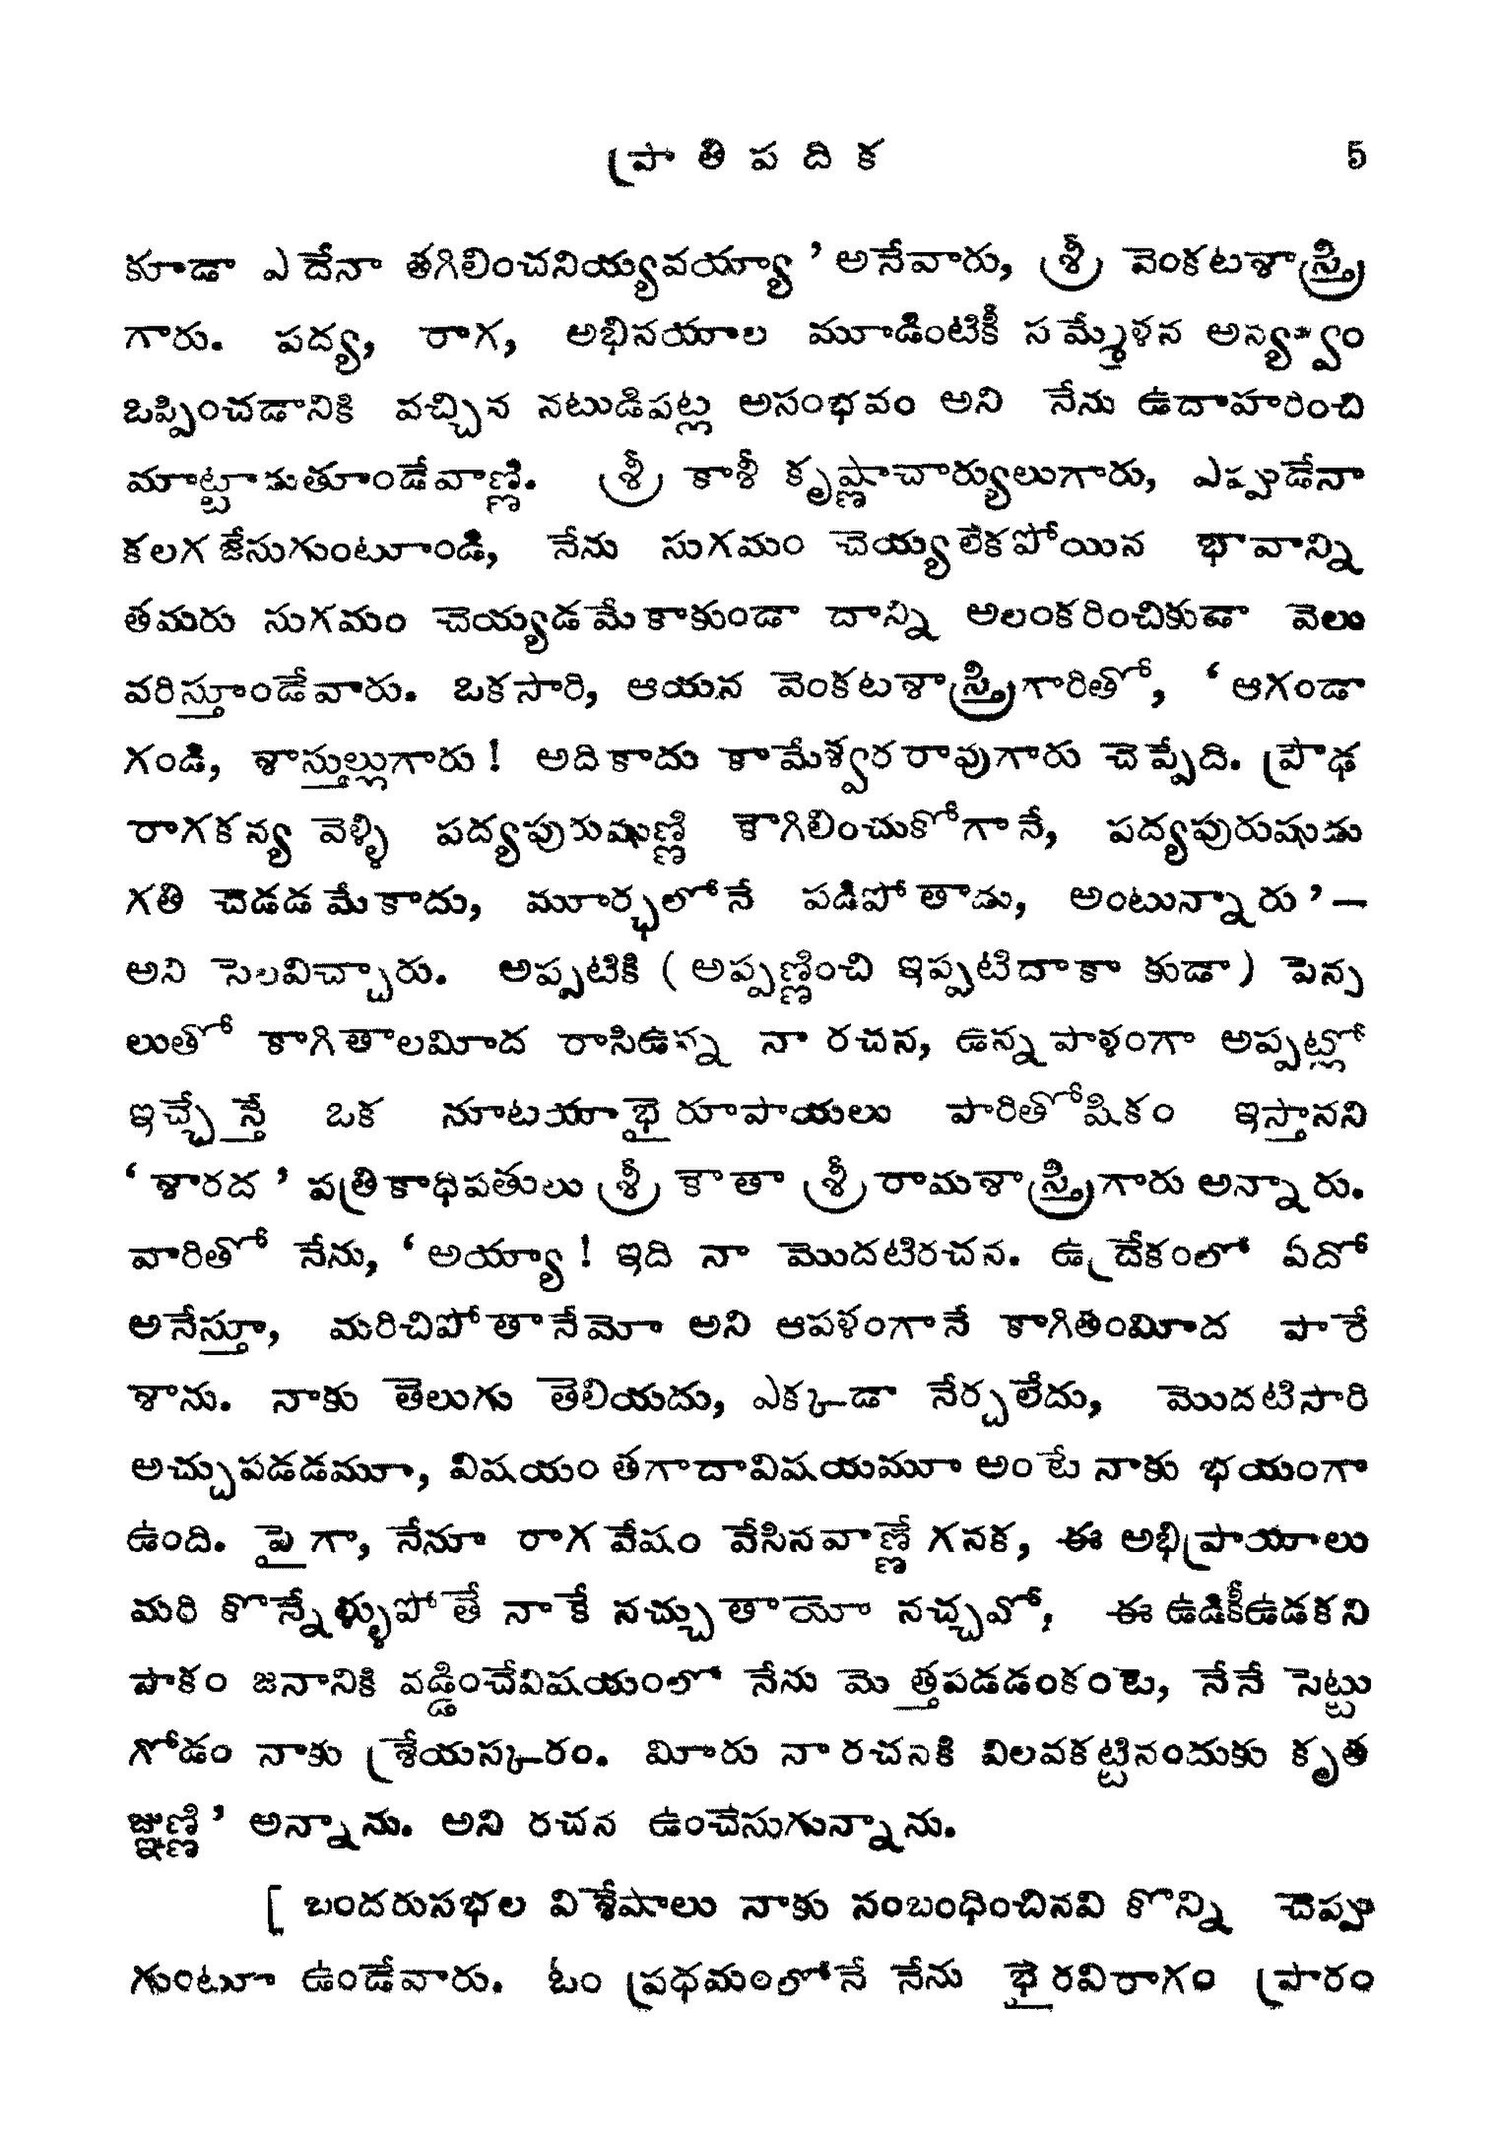కూడా ఎదేనా తగిలించనియ్యవయ్యా' అనేవారు, శ్రీ వెంకటశాస్త్రి
గారు. పద్య, రాగ, అభినయాల మూడింటికీ సమ్మేళన అన్యత్వం
ఒప్పించడానికి వచ్చిన నటుడిపట్ల అసంభవం అని నేను ఉదాహరించి
మాట్టాడుతూండేవాణ్ణి. శ్రీ కాశీ కృష్ణాచార్యులుగారు, ఎప్పుడేనా
కలగజేసుగుంటూండి, నేను సుగమం చెయ్యలేకపోయిన భావాన్ని
తమరు సుగమం చెయ్యడమేకాకుండా దాన్ని అలంకరించికుడా వెలు
వరిస్తూండేవారు. ఒకసారి, ఆయన వెంకటశాస్త్రిగారితో, 'ఆగండా 
గండి, శాస్తుల్లుగారు ! అదికాదు కామేశ్వరరావుగారు చెప్పేది. ప్రౌఢ
రాగకన్య వెళ్ళి పద్యపురుషుణ్ణి కౌగిలించుకోగానే, పద్యపురుషుడు
గతి చెడడమేకాదు, మూర్ఛలోనే పడిపోతాడు, అంటున్నారు ' -
అని సెలవిచ్చారు. అప్పటికి (అప్పణించి ఇప్పటిదాకా కుడా) పెన్స
లుతో కాగితాలమీద రాసిఉన్న నా రచన, ఉన్న పాళంగా అప్పట్లో
ఇచ్చేస్తే ఒక నూటయాభైరూపాయలు పారితోషికం ఇస్తానని
'శారద' పత్రికాధిపతులు శ్రీ కౌతా శ్రీ రామశాస్త్రిగారు అన్నారు.
వారితో నేను, 'అయ్యా ! ఇది నా మొదటిరచన. ఉద్రేకంలో ఏదో
అనేస్తూ, మరిచిపోతానేమో అని ఆపళంగానే కాగితంమీద పారే
శాను. నాకు తెలుగు తెలియదు, ఎక్కడా నేర్చలేదు, మొదటిసారి
అచ్చుపడడమూ, విషయం తగాదావిషయమూ అంటే నాకు భయంగా
ఉంది. పైగా, నేనూ రాగ వేషం వేసినవాణ్ణే గనక, ఈ అభిప్రాయాలు
మరి కొన్నేళ్ళుపోతే నాకే నచ్చుతాయో నచ్చవో, ఈ ఉడికీఉడకని
పాకం జనానికి వడ్డించేవిషయంలో నేను మెత్తపడడంకంటె, నేనే సెట్టు
గోడం నాకు శ్రేయస్కరం. మీరు నా రచనకి విలవకట్టినందుకు కృత
జ్ఞుణ్ణి ' అన్నాను. అని రచన ఉంచేసుగున్నాను.

[బందరుసభల విశేషాలు నాకు సంబంధించినవి కొన్ని చెప్పు
గుంటూ ఉండేవారు. ఓం ప్రధమంలోనే నేను భైరవిరాగం ప్రారం